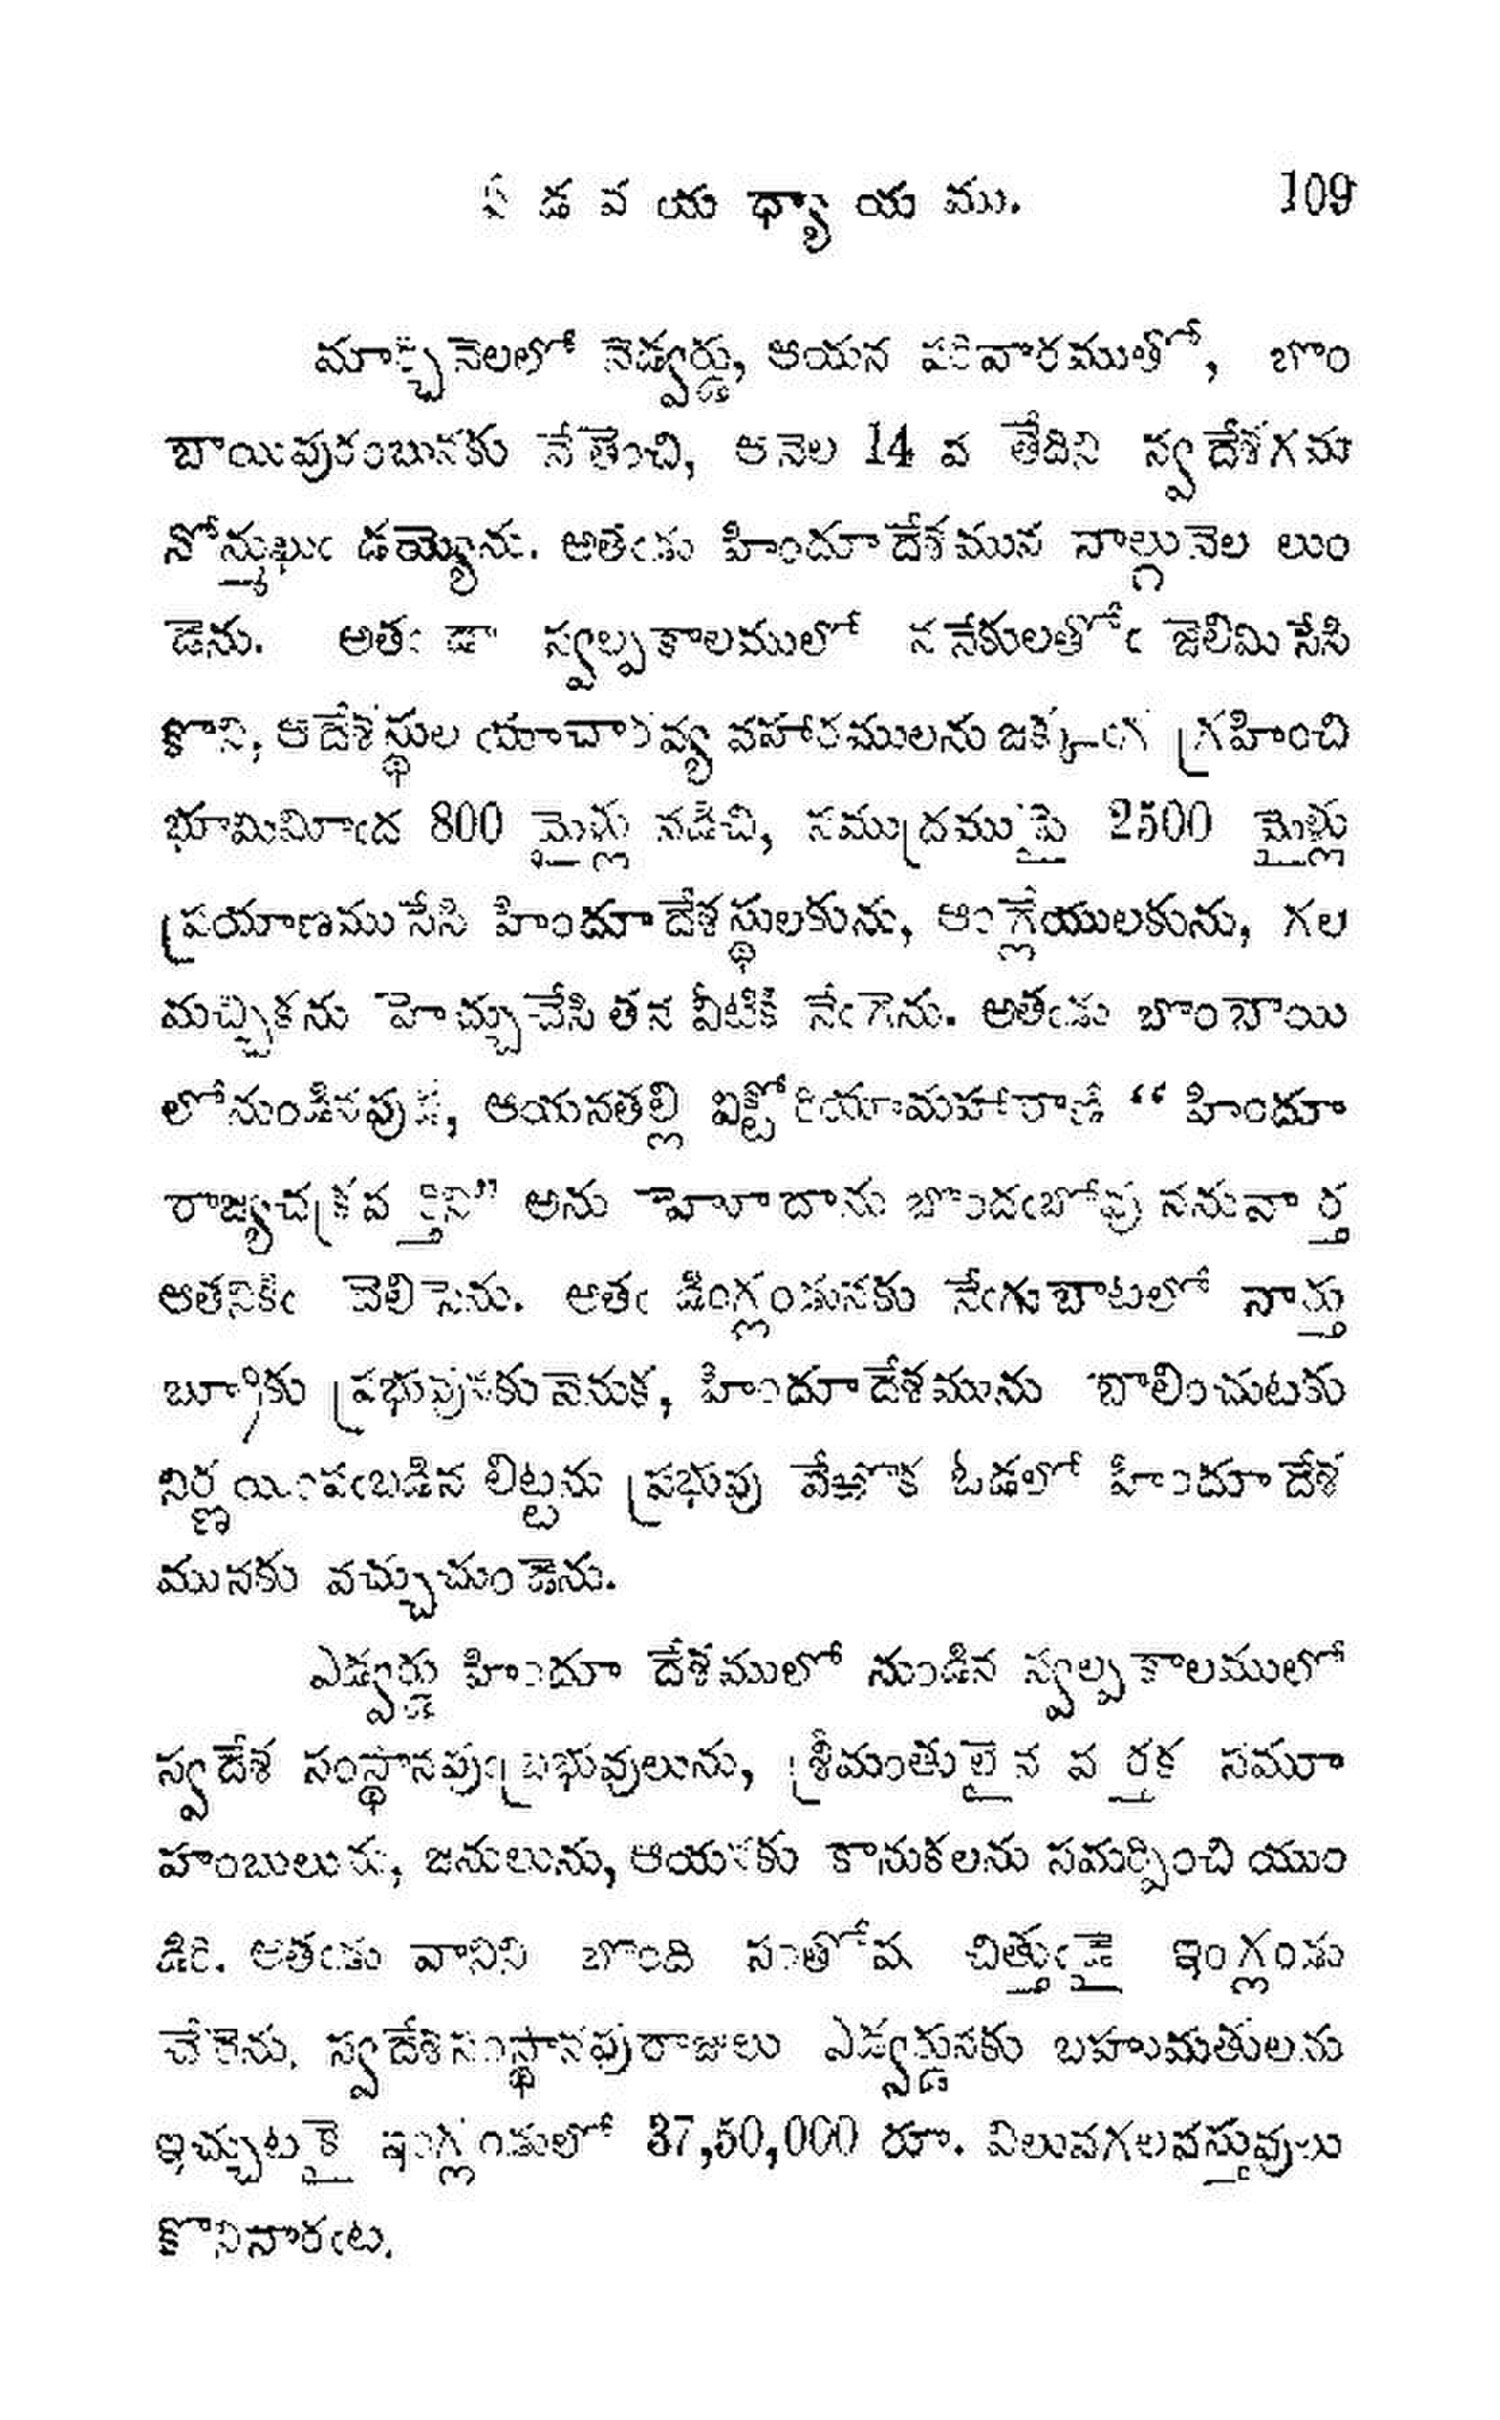మార్చినెలలో నేడ్వర్డు, ఆయన పరివారముతో, బొం బాయి పురంబునకు నేతెంచి, ఆనెల 14 వ తేదీని స్వదేశగము నోన్ముఖుఁ డయ్యెను. అతఁడు హిందూ దేశమున నాల్గు నెలలుం డెను.:స్వల్ప కాలములో ననేకులతోఁ జెలిమి సేసి కొని, ఆ దేశస్థుల యాచార వ్యహారములను జక్కం గ్రహించి భూమి మీఁద 800 మైళ్లు నడిచి, సముద్రము పై 2500 మైళ్లు ప్రయాణము సేసి హిందూ దేశస్థులకును, ఆంగ్లేయులకును, గల మచ్చికను హెచ్చు చేసి తన వీటికి నేఁగెను. అతఁడు బొంబాయి లోనుండినపుడు: ఆయనతల్లి విక్టోరియ మహారాణీ హిందూ రాజ్య చక్రవక్తిని" అను హెూదాను. బొందఁబోవు ననునార్త అతనికి తెలిసెను. ఆతడింగ్లం:సునకు 'నేఁగు బాటలో నార్తు బూకు ప్రభువుకు నెనుక , హిందూదేశమును 'బాలించుటకు నిర్ణయింపఁబడిన లిట్టను ప్రభువు వేఱొక ఓడలో హీదూ దేశ మునకు వచ్చుచుండెను.

ఎడ్వర్లు హిందూ దేశములో నుండిన స్వల్ప కాలములో స్వదేశ సంస్థానపు ప్రభువులును, శ్రీమంతులైన వర్తక సమూ హంబులును, జనులును, ఆయనకు కానుకలను సమర్పించి యుం డిరి. అతఁడు వానిని బొంది. సంతోష చిత్తుడై ఇంగ్లండు చేరెను, స్వదేశీ సంస్థానపు రాజులు ఎవ్వర్ణునకు బహుమతులను ఇచ్చుటకై ఇంగ్లండులో 37,50,000 రూ. విలునగల వస్తువులు కొనినారట.